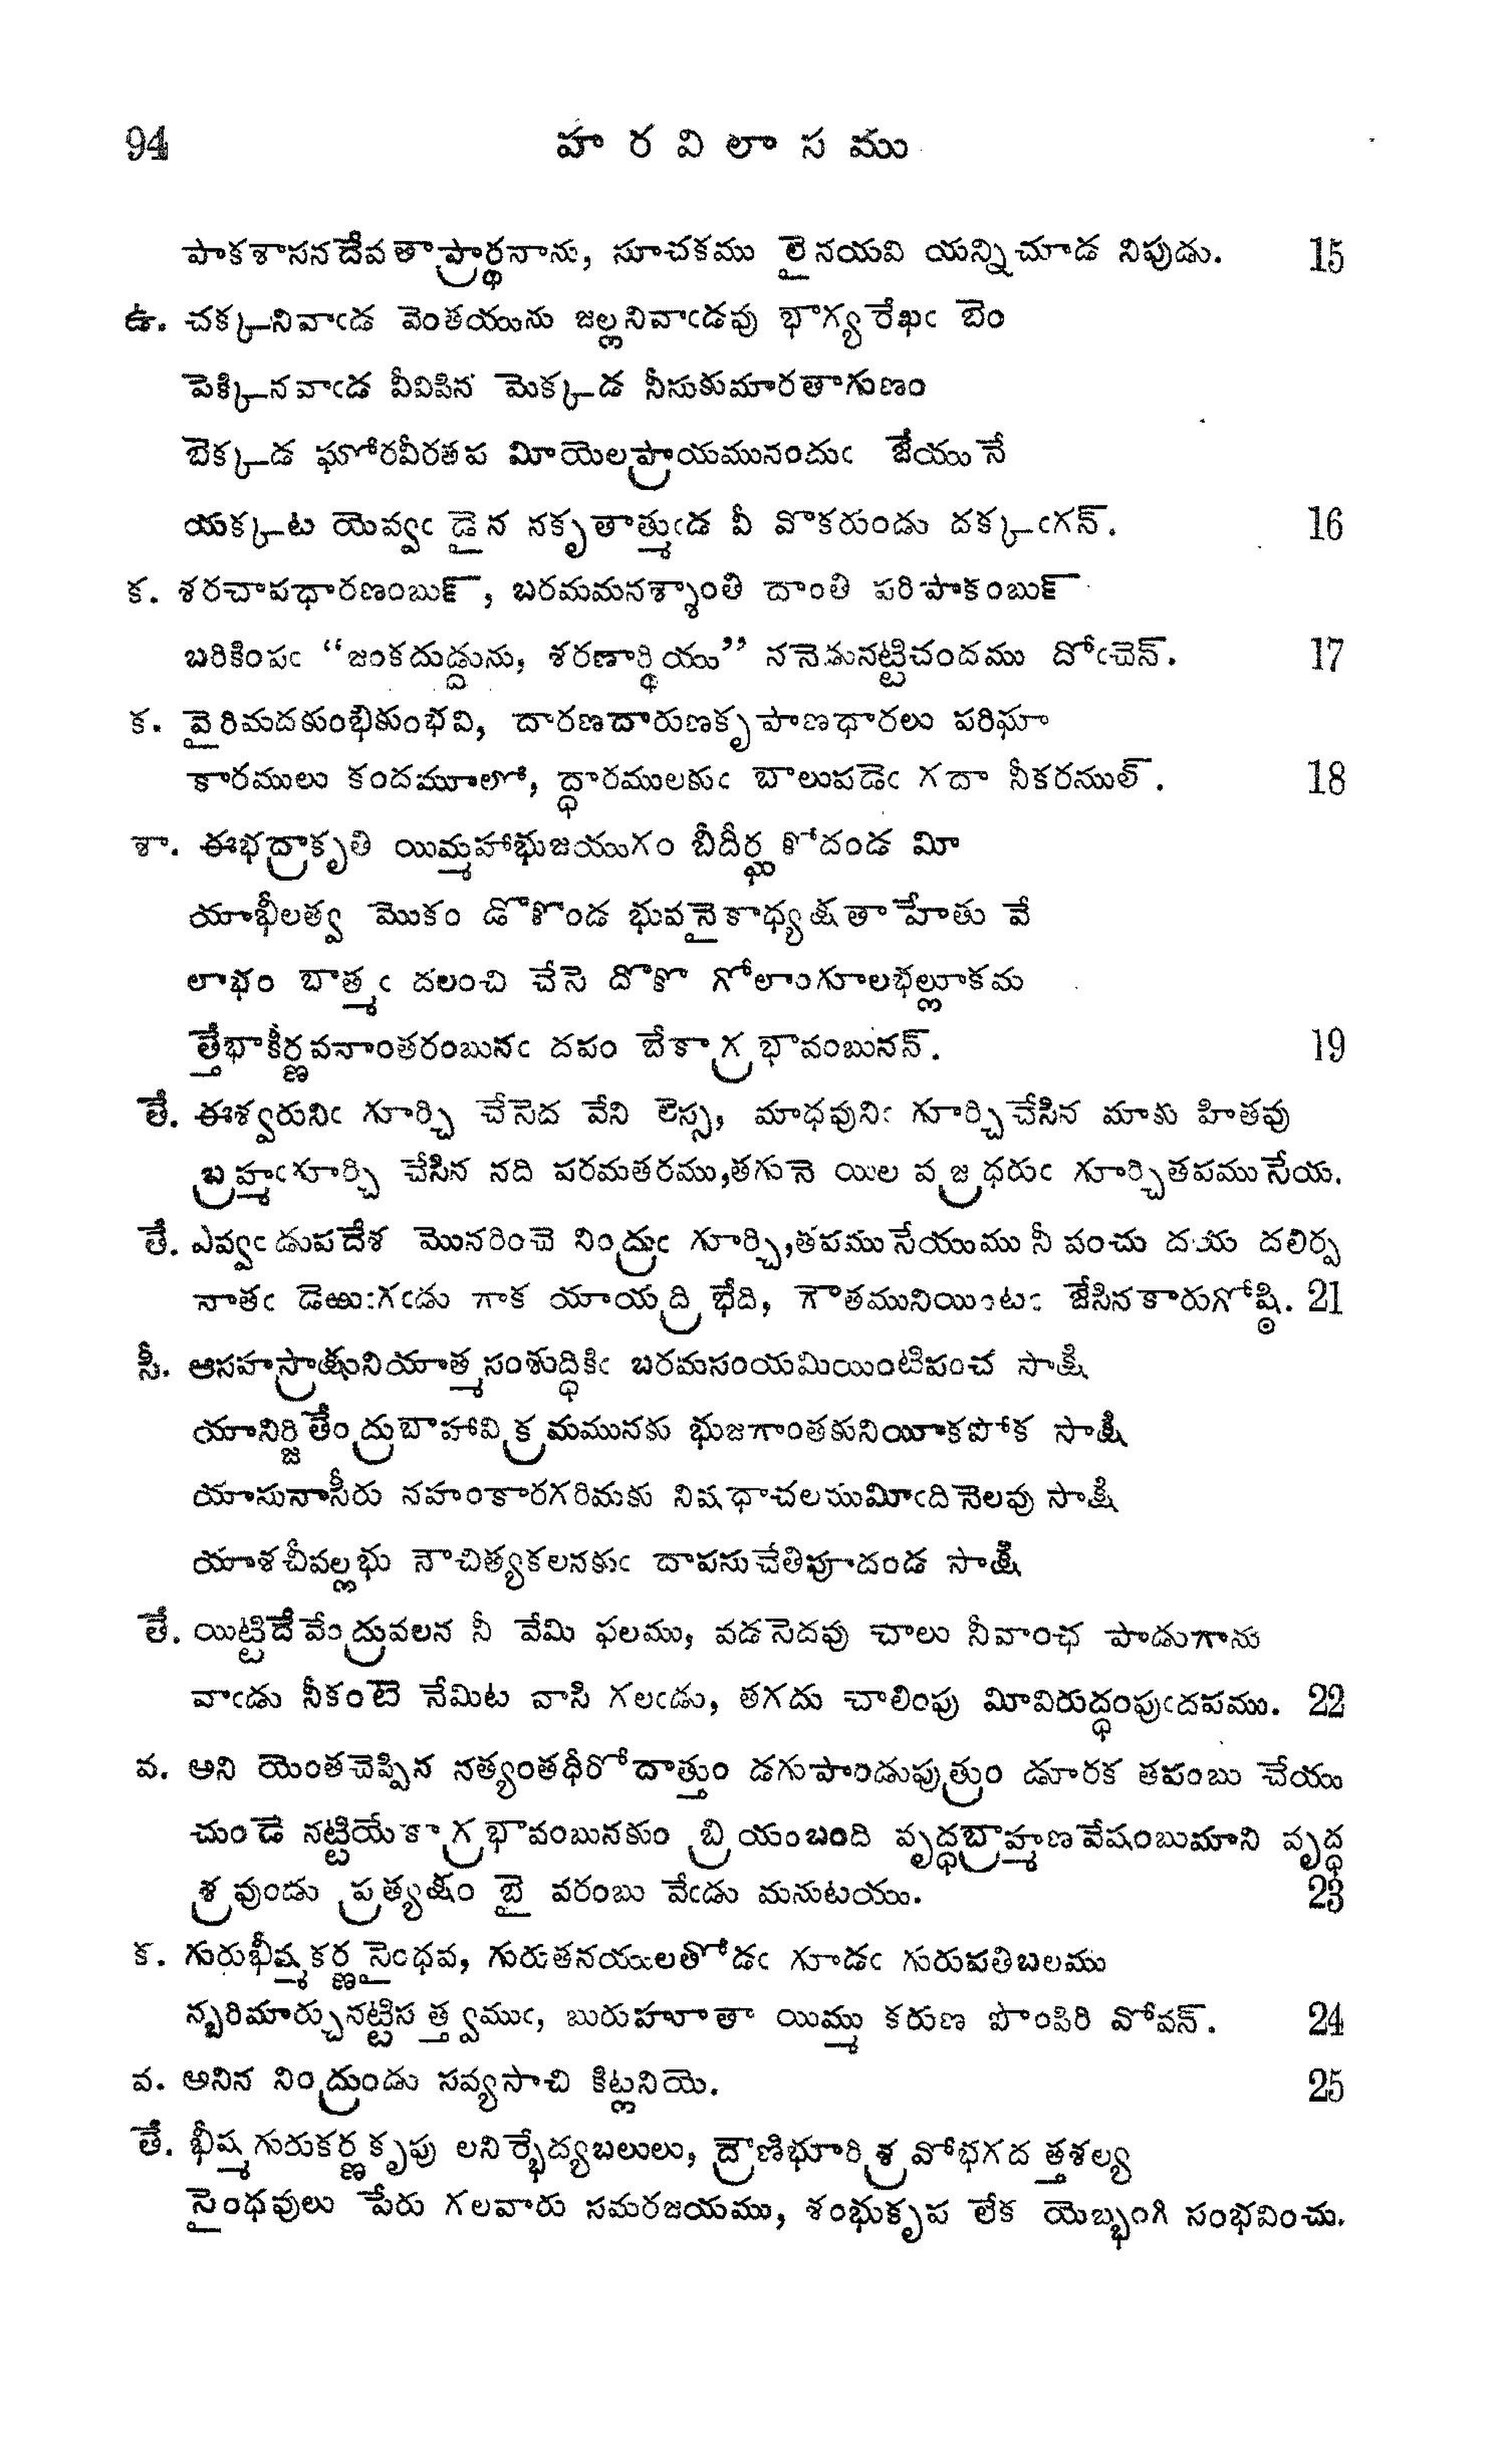పాకశాసనదేవతాప్రార్థనాను, సూచకము లైనయవి యన్ని చూడ నిపుడు. 15

ఉ. చక్కనివాఁడ వెంతయును జల్లనివాఁడవు భాగ్యరేఖఁ బెం
పెక్కినవాఁడ వీవిపిన మెక్కడ నీసుకుమారతాగుణం
బెక్కడ ఘోరవీరతప మీయెలప్రాయమునందుఁ జేయునే
యక్కట యెవ్వఁ డైన నకృతాత్ముఁడ వీ వొకరుండు దక్కఁగన్. 16

క. శరచాపధారణంబున్, బరమమనశ్శాంతి దాంతి పరిపాకంబున్
బరికింపఁ “జంకదుడ్డును, శరణార్థియు” ననెడునట్టిచందము దోఁచెన్. 17

క. వైరిమదకుంభికుంభవి, దారణదారుణకృపాణధారలు పరిఘా
కారములు కందమూలో, ద్ధారములకుఁ బాలుపడెఁ గదా నీకరముల్. 18

శా. ఈభద్రాకృతి యిమహాభుజయుగం బీదీర్ఘకోదండ మీ
యాశీలత్వ మొకం డొకొండ భువనైకాధ్యక్షతాహేతు వే
లాభం బాత్మఁ దలంచి చేసే దొకొ గోలాంగూలభల్లూకమ
త్తేభాకీర్ణవనాంతరంబునఁ దపం బేకాగ్రభావంబునన్. 19

తే. ఈశ్వరునిఁ గూర్చి చేసెద వేని లెస్స, మాధవునిఁ గూర్చి చేసిన మాకు హితవు
బ్రహ్మగూర్చి చేసిన నది పరమతరము, తగునె యిల వజ్రధరుఁ గూర్చి తపము సేయ. 20

తే. ఎవ్వఁ డుపదేశ మొనరించె నింద్రుఁ గూర్చి,తపము సేయుము నీ వంచు దయ దలిర్ప
నాతఁ డెఱుఁగఁడు గాక యాయద్రిభేది, గౌతమునియింటఁ జేసిన కారుగోష్ఠి. 21

సీ. ఆసహస్రాక్షునియాత్మసంశుద్ధికిఁ బరమసంయమియింటిపంచ సాక్షి
యానిర్జితేంద్రుబాహావిక్రమమునకు భుజగాంతకునియీకపోక సాక్షి
యాసునాసీరు నహంకారగరిమకు నిషధాచలముమీఁది నెలవు సాక్షి
యాశచీవల్లభు నౌచిత్యకలనకుఁ దాపసుచేతిపూదండ సాక్షి
తే. యిట్టిదేవేంద్రువలన నీ వేమి ఫలము, వడసెదవు చాలు నీ వాంఛ పాడుగాను
వాఁడు నీకంటె నేమిట వాసి గలఁడు, తగదు చాలింపు మీవిరుద్దంపుఁదపము. 22

వ. అని యెంత చెప్పిన నత్యంతధీరోదాత్తుం డగుపాండుపుత్రుం డూరక తపంబు చేయుచుండె నట్టియేకాగ్రభావంబునకుం బ్రియంబంది వృద్ధబ్రాహ్మణవేషంబు మాని వృద్ధశ్రవుండు ప్రత్యక్షం బై వరంబు వేఁడు మనుటయు. 23

క. గురుభీష్మకర్ణసైంధవ, గురుతనయులతోడఁ గూడఁ గురుపతిబలము
న్బరిమార్చునట్టిసత్త్వముఁ, బురుహూతా యిమ్ము కరుణ పొంపిరి వోవన్. 24

వ. అనిన నింద్రుండు సవ్యసాచి కిట్లనియె. 25

తే. భీష్మగురుకర్ణకృపు లనిర్భేద్యబలులు, ద్రోణిభూరిశ్రవోభగదత్తశల్య
సైంధవులు పేరు గలవారు సమరజయము, శంభుకృప లేక యెబ్భంగి సంభవించు. 26